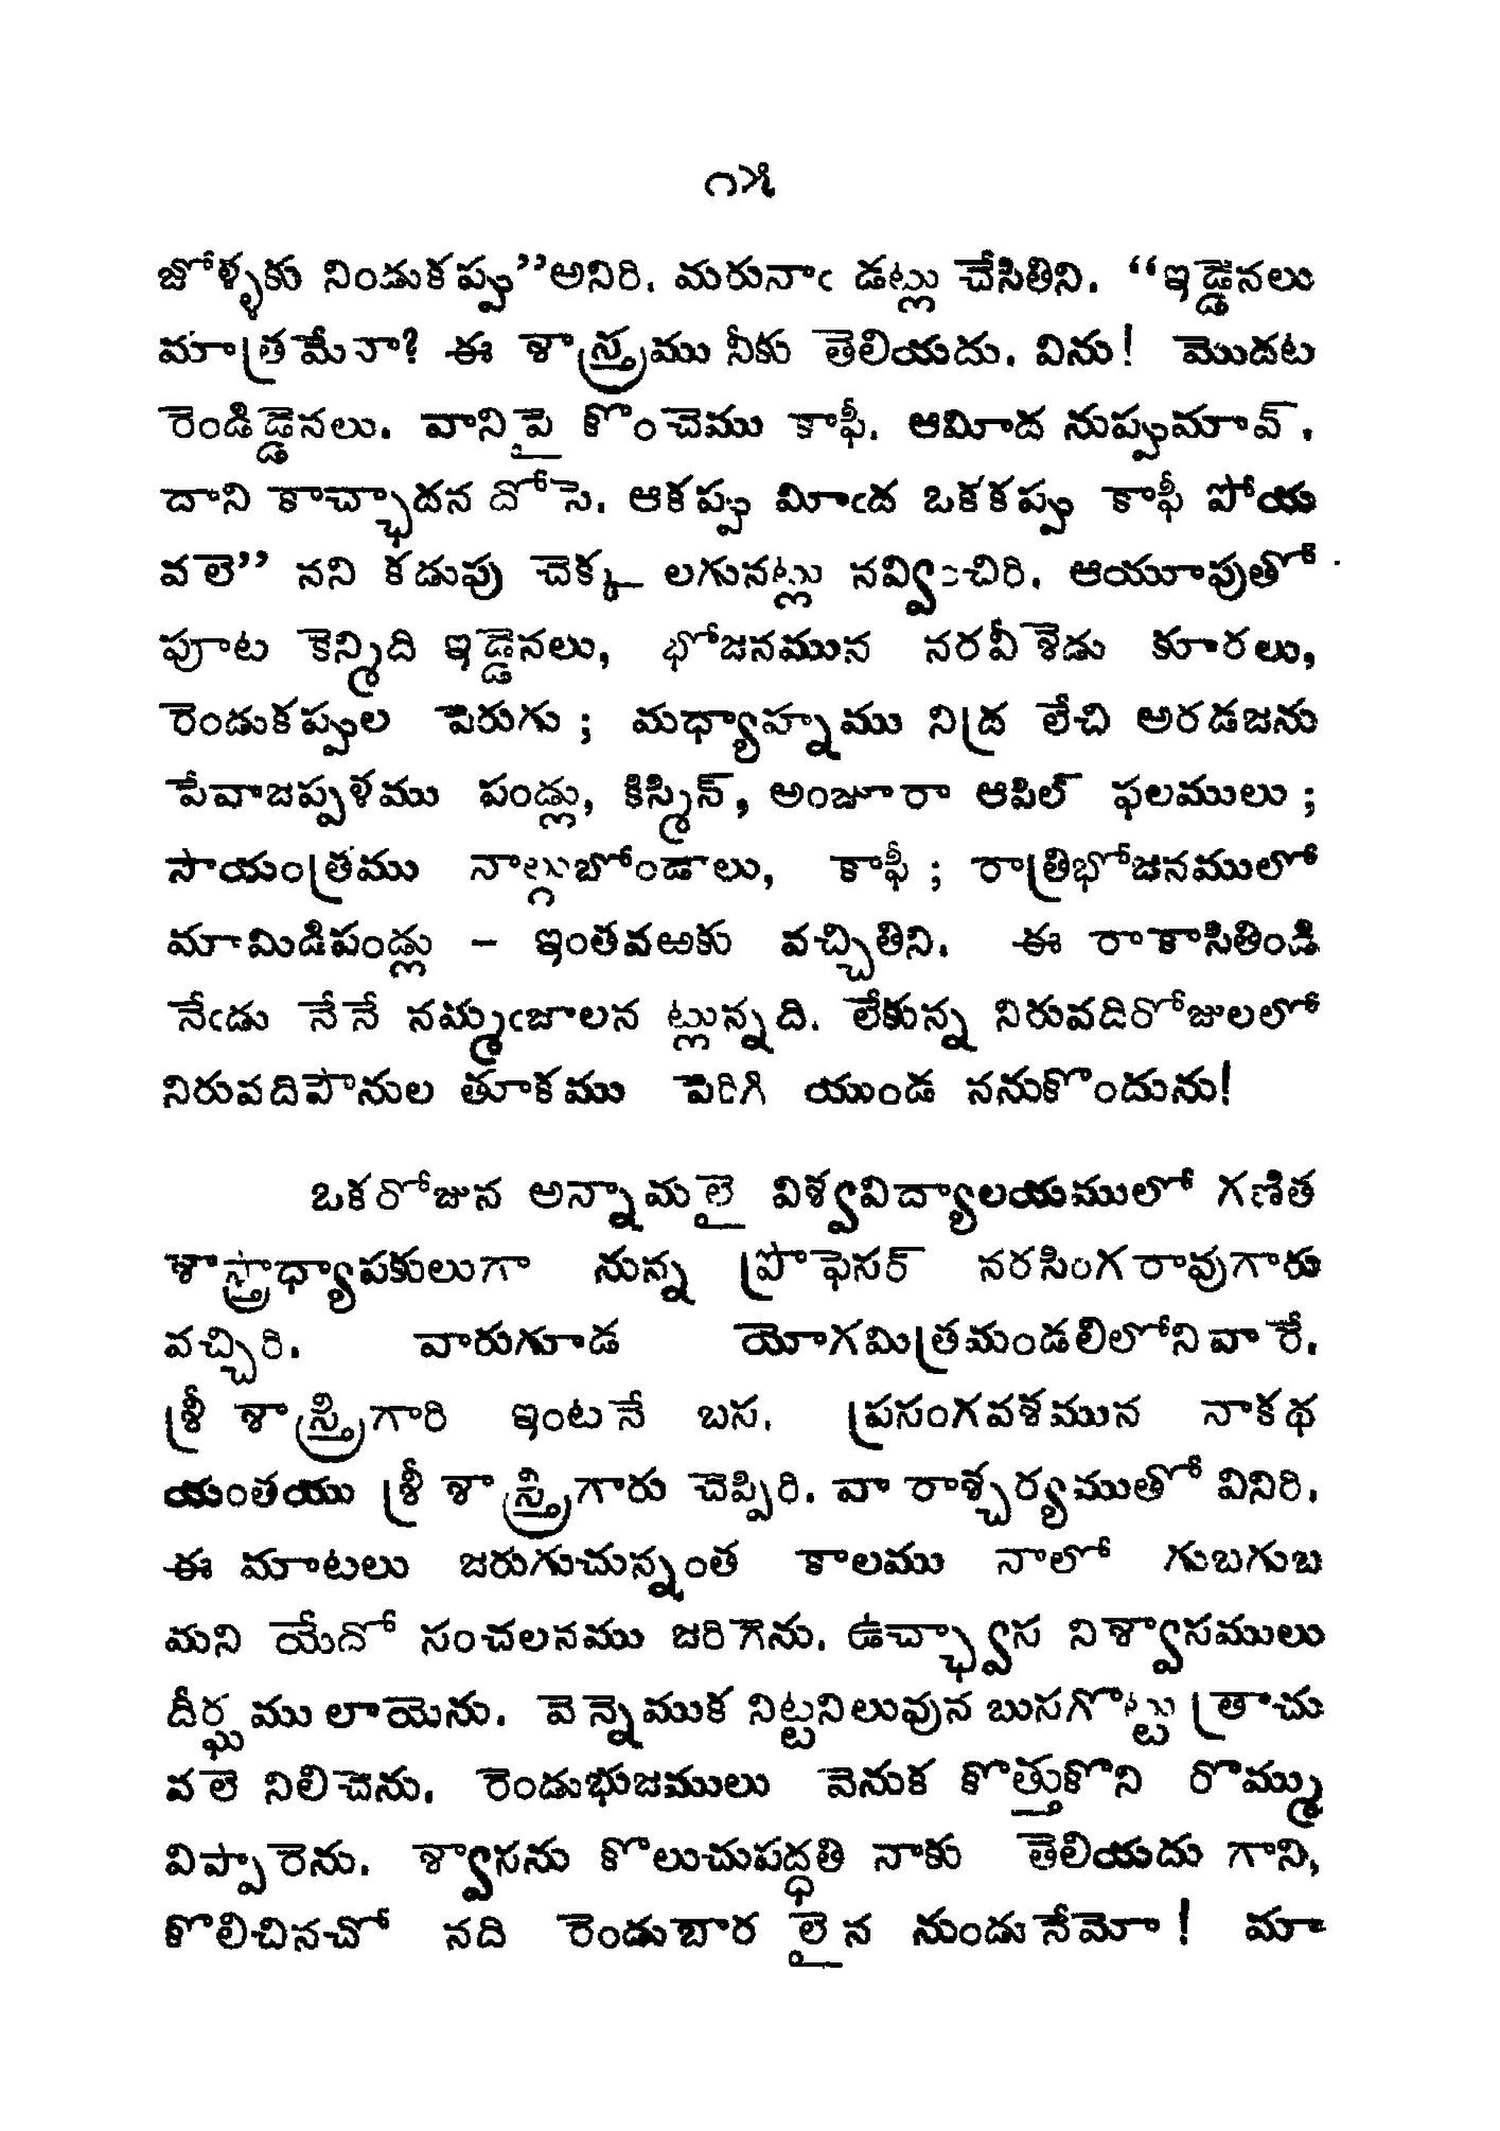జోళ్ళకు నిండు కప్పు" అనిరి. మరునాఁడట్లు చేసితిని." ఇడ్దేనలు మాత్రమేనా? ఈ శాస్త్రము నీకు తెలియదు. విను! మొదట రెండిడ్దేనలు. వాని పై కొంచెము కాఫీ, ఆ మిఁద నుప్పుమావ్, దాని కాచ్చాదన దోసె, ఆ కప్పు మిఁద ఒక కప్పు కాఫీ పోయవలె" నని కడుపు చెక్కలగు నట్లు నవ్వించిరి. ఆ యూపుతో పూట కెన్మిది ఇడ్దేనలు, భోజన మున నరవీ శెడు కూరలు, రెండు కప్పుల పెరుగు; మధ్యాహ్నము నిద్రలేచి అరడజను పేవాజప్పళపండ్లు, కిస్మిస్, అంజూరా, ఆపిల్ఫలములు; సాయంత్రము నాల్గుబోండాలు, కాఫీ; రాత్రిభోజనములో మామిడిపండ్లు- ఇంతవఱకువచ్చితిని. ఈ రాకాసితిండి నేఁడు నేనేనమ్మఁజాల నట్లున్నది. లేకున్న నిరువది రోజులలో నిరువది పౌనుల తూకము పెరిగి యుండ నను కొందును!

ఒక రోజున అన్నామలై విశ్వవిద్యాలయములో గణిత శాస్త్రాధ్యాపకులుగా నున్న ప్రొఫెసర్ నరసింగరావుగారు వచ్చిరి. వారుగూడ యోగమిత్ర మండలిలోని వారే. శ్రీ శాస్త్రి గారి ఇంటనే బస. ప్రసంగవశమున నా కధయంతయు శ్రీ శాస్త్రిగారు చెప్పిరి. వా రాశ్చర్యముతో వినిరి.ఈ మాటలు జరుగుచున్నంత కాలము నాలో గుబగుబ మని యేదో సంచలనము జరిగెను. ఉచ్చ్వాస నిశ్వాసములు దిర్ఘములాయెను. వెన్నెముక నిట్టనిలువున బుసగొట్టు త్రాచువలె నిలిచెను. రెండు భుజములు వెనుక కొత్తుకొని రొమ్ము విప్పారెను. శ్వాసను కొలుచు పద్ధతి నాకు తెలియదు గాని, కొలిచినచో నది రెండు బారలైన నుండు నేమో! మా